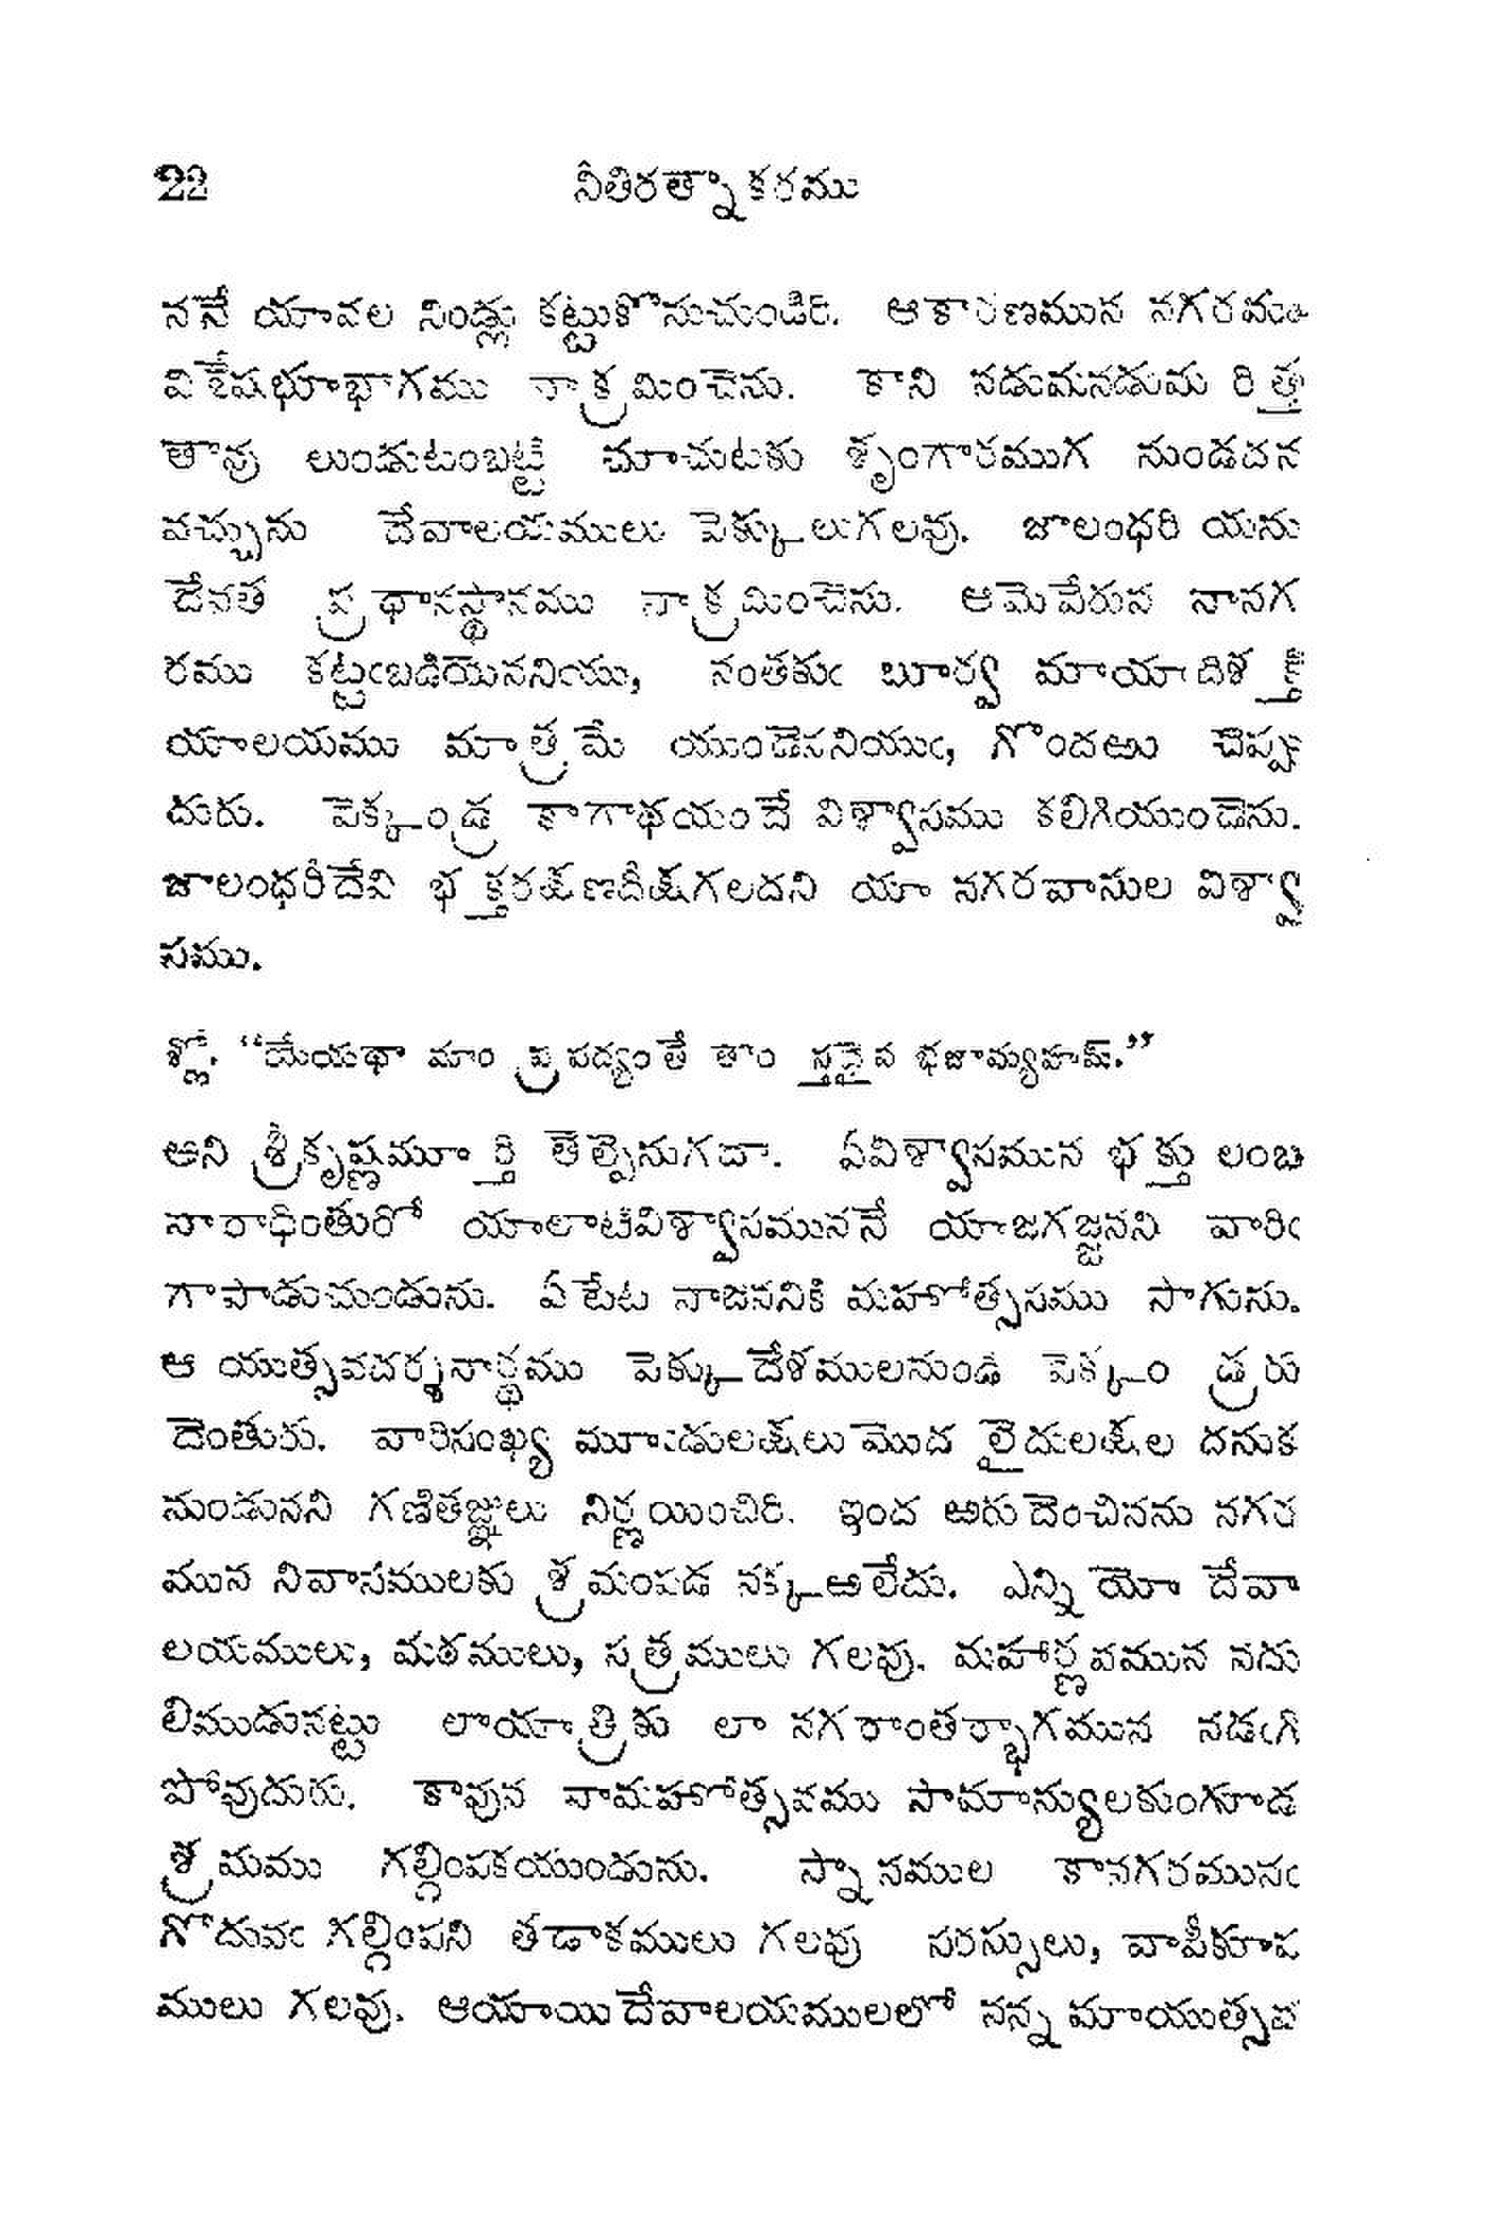ననే యావల నిండ్లు కట్టుకొనుచుండిరి. ఆకారణమున నగరము విశేషభూభాగము నాక్రమించెను. కాని నడుమనడుమ రిత్త తావు లుండుటంబట్టి చూచుటకు శృంగారముగ నుండదన వచ్చును దేవాలయములు పెక్కులు గలవు. జాలంధరి యను దేవత ప్రధానస్థానము నాక్రమించెను. ఆమె పేరున నానగ రము కట్టఁబడియెననియు, నంతకుఁ బూర్వ మాయాదిశక్తి యాలయము మాత్రమే యుండెననియుఁ, గొందఱు చెప్పు దురు. పెక్కండ్ర కాగాథయందే విశ్వాసము కలిగియుండెను. జాలంధరీదేవి. భక్తరక్షణదీక్షగలదని యా నగరవాసుల విశ్వాసము.

శ్లో. “యేయథా మాం ప్రపద్యం తాం స్తవైన భజామ్యహమ్.” 

అని శ్రీకృష్ణమూర్తి తెల్పెనుగదా. ఏవిశ్వాసమున భక్తు లంబ నారాధింతురో యాలాటివిశ్వాసముననే యాజగజ్జనని వారి గాపాడుచుండును. ఏటేట నాజననికి మహోత్సవము సాగును. ఆ యుత్సవదర్శనార్ధము పెక్కు దేశములనుండి వెక్క డ్రరు దెంతుకు. వారిసంఖ్య మూడులక్షలు మొదలైదులక్షల దనుక నుండునని గణితజ్ఞులు నిర్ణయించిరి. ఇంద ఱరు దెంచినను నగరమున నివాసములకు శ్రమంపడ నక్కఱ లేదు. ఎన్ని యో దేవాలయములు, మఠములు, సత్రములు గలవు, మహార్ణవమున నదు లిముడునట్టు లాయాత్రికు లా నగరాంతర్భాగమున నడఁగి పోవుదురు. కావున నామహోత్సవము సామాన్యులకుంగూడ శ్రమము గల్గింపకయుండును. స్నానముల కానగరమునఁ గోదువఁ గల్గింపని తడాకములు గలవు. సరస్సులు, వాపీకూప ములు గలవు. ఆయాయి దేవాలయములలో నన్న మాయుత్సవ